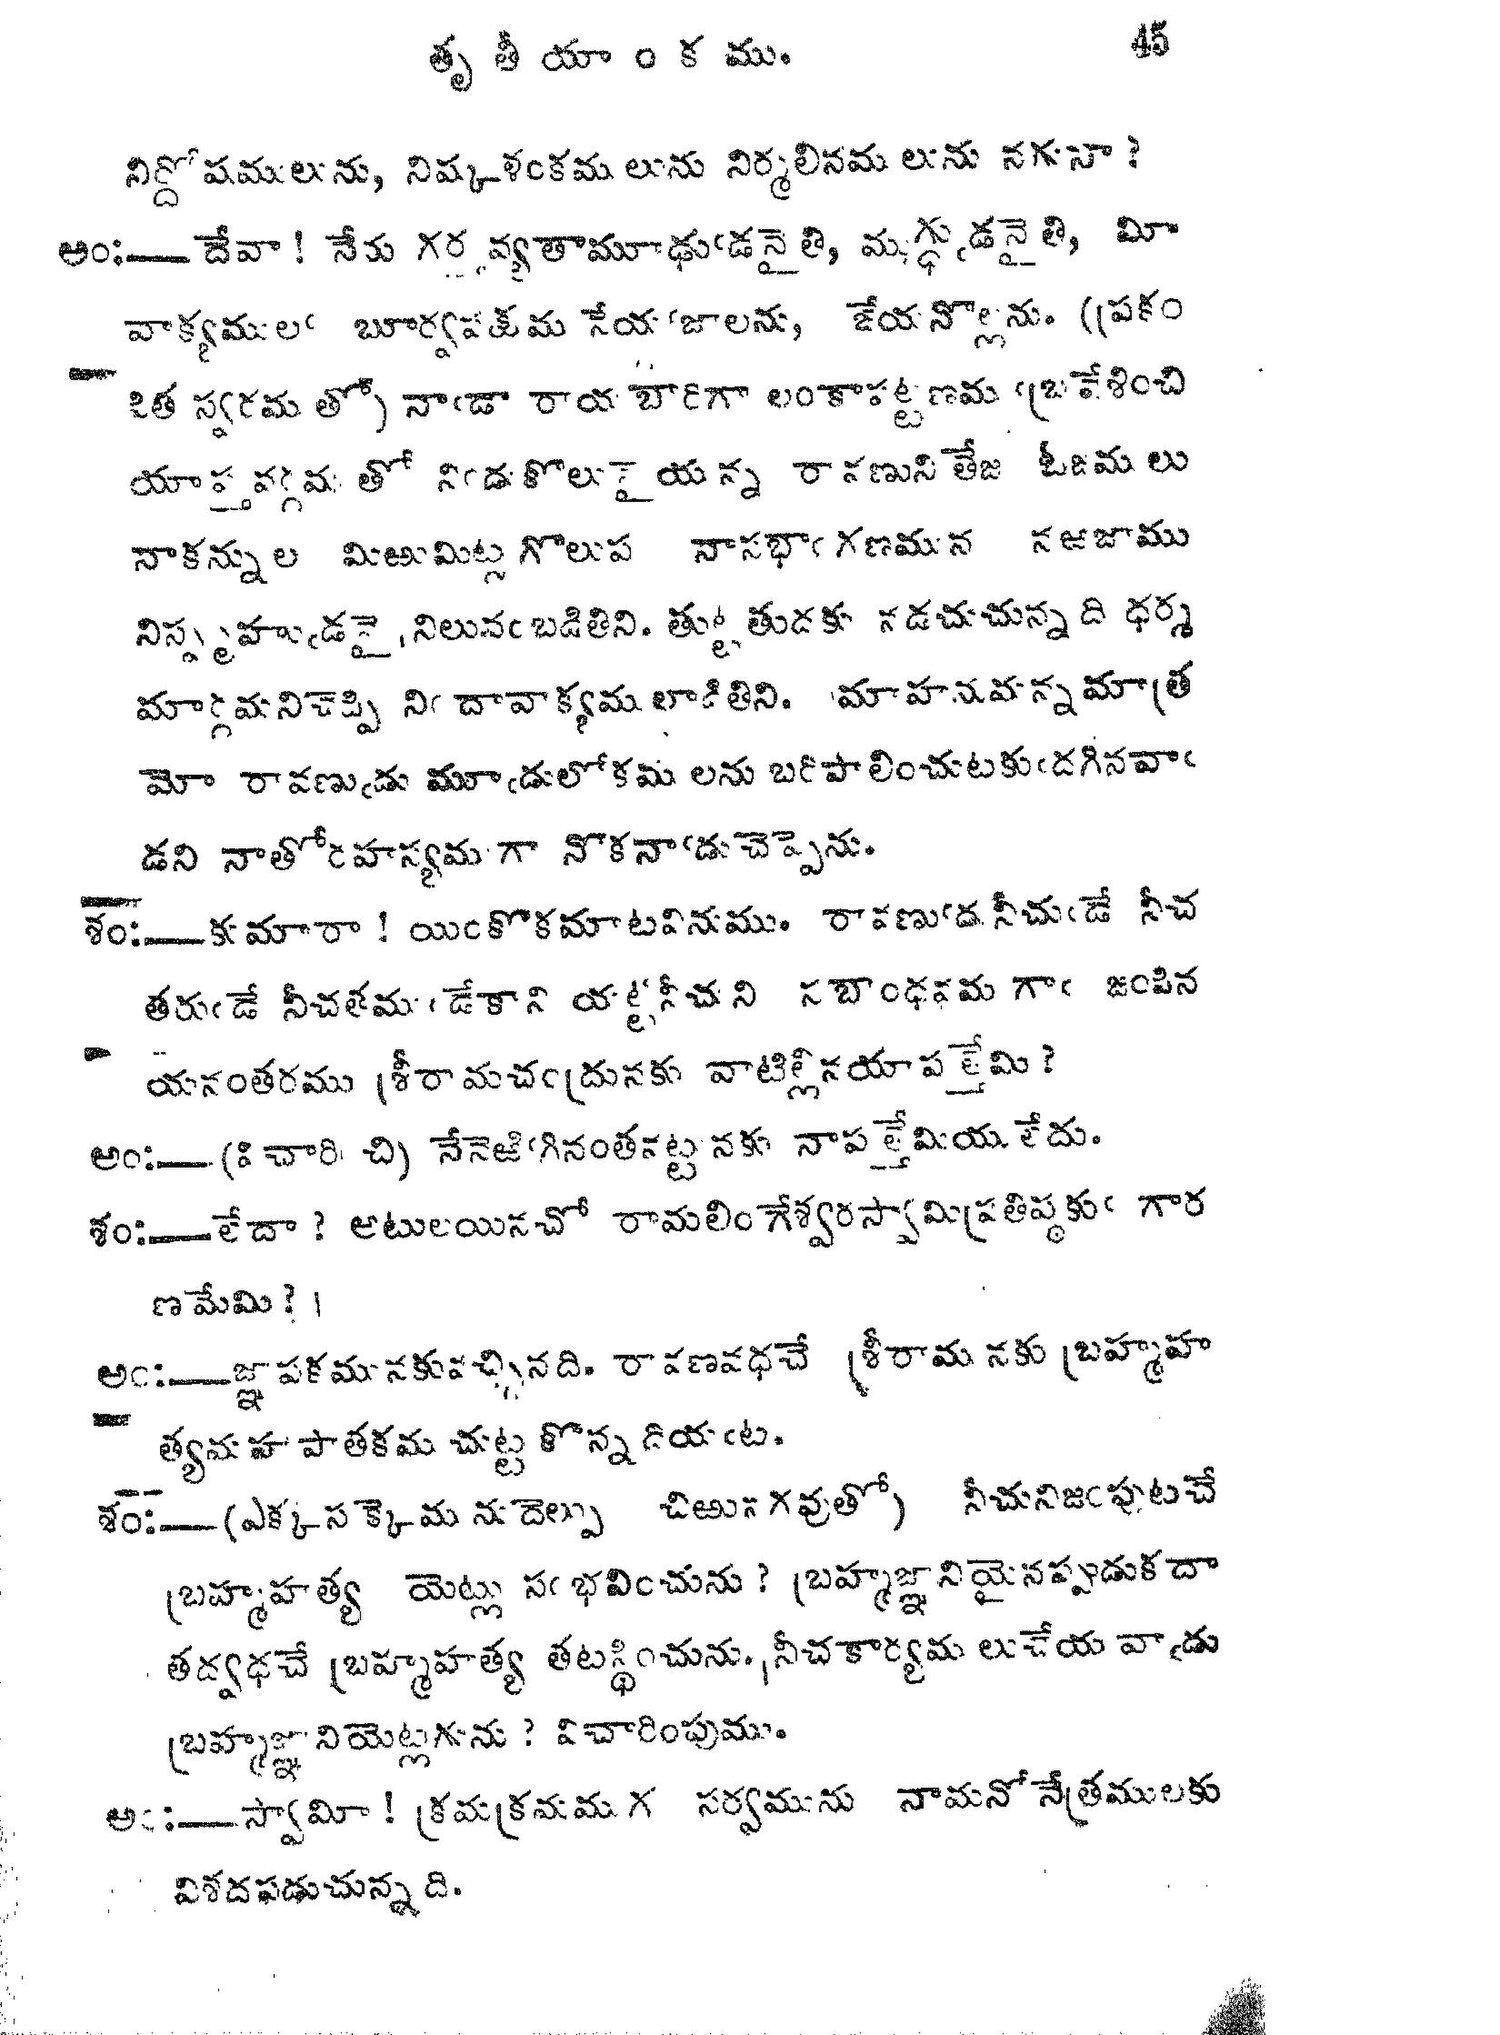నిర్దోషములను, నిష్కళంకమలును నిర్మలినములను నగనా ?

అం: దేవా ! నేను గర్త వ్యతామూఢుడనై తి, ముగ్ధుడనైతి, మీ
 వాక్యములఁ బూర్వపక్షమ సేయ జాలను, జేయ నొల్లను. (పకం
 పితస్వరమ తో) నాఁడా రాయబారిగా లంకాపట్టణమం బ్రవేశించి
 యాప్తవగ్గముతో నిండుకొలవై యన్న రావణుని తేజ ఓజములు
 నాకన్నుల మిఱుమిట్ట గొలుప నాసభా గణమున నఱజాము
 నిస్పృహుడవై ,నిలువంబడితిని. తుట్ట తుదకు నడచుచున్నది ధర్మ
 మార్గమని చెప్పి నిందావాక్యము లాడితిని. మాహనుమన్న మాత్ర
 మో రావణ్యుడు మూడులోకములను బరి పాలించుటకుఁదగినవాఁ
 డని నాతోడ రహస్యమగా నొకనాడు చెప్పెను.

శం:- కుమారా ! యింకొక మాటవినుము. రావణుఁడు నీచుఁడే నీచ
 తరుఁడే నీచత్వముడేకాని యట్టినీచుని సబంధకమనగాఁ జంపిన
 యనంతరము శ్రీరామచఁద్రుసకు వాటిల్లినయాపత్తేమి ?

అం:- (విచారిం చి) నేనెఱిగినంతవట్ట నకు నాపత్తేమియు లేదు.

శం:- లేదా ? ఆటులయినచో రామలింగేశ్వర స్వామి ప్రతిష్ఠకు గార
 ణ మేమి ? 

అం:- జ్ఞాపకము నకువచ్చినది. రావణ వధచే శ్రీరామనకు బ్రహ్మహ
 త్యమహాపాతకమ చట్టకొన్నదియట.

శం:- (ఎక్క సక్కెమను దెల్పు చిఱునగవుతో) నీచునిజంఫుటచే
 బ్రహ్మహత్య యెట్లు సంభవించును ? బ్రహ్మజ్ఞానియైనప్పుడుకదా
 తద్వదచే బ్రహ్మహత్య తటస్థించును. నీచకార్యములు చేయ వాడు
 బ్రహ్మ జ్ఞాని యెట్లగును ? విచారింపుము.

అం: స్వామి ! క్రమక్రమముగ సర్వమును నామనో నేత్రములకు
 విశదపడుచున్నది.